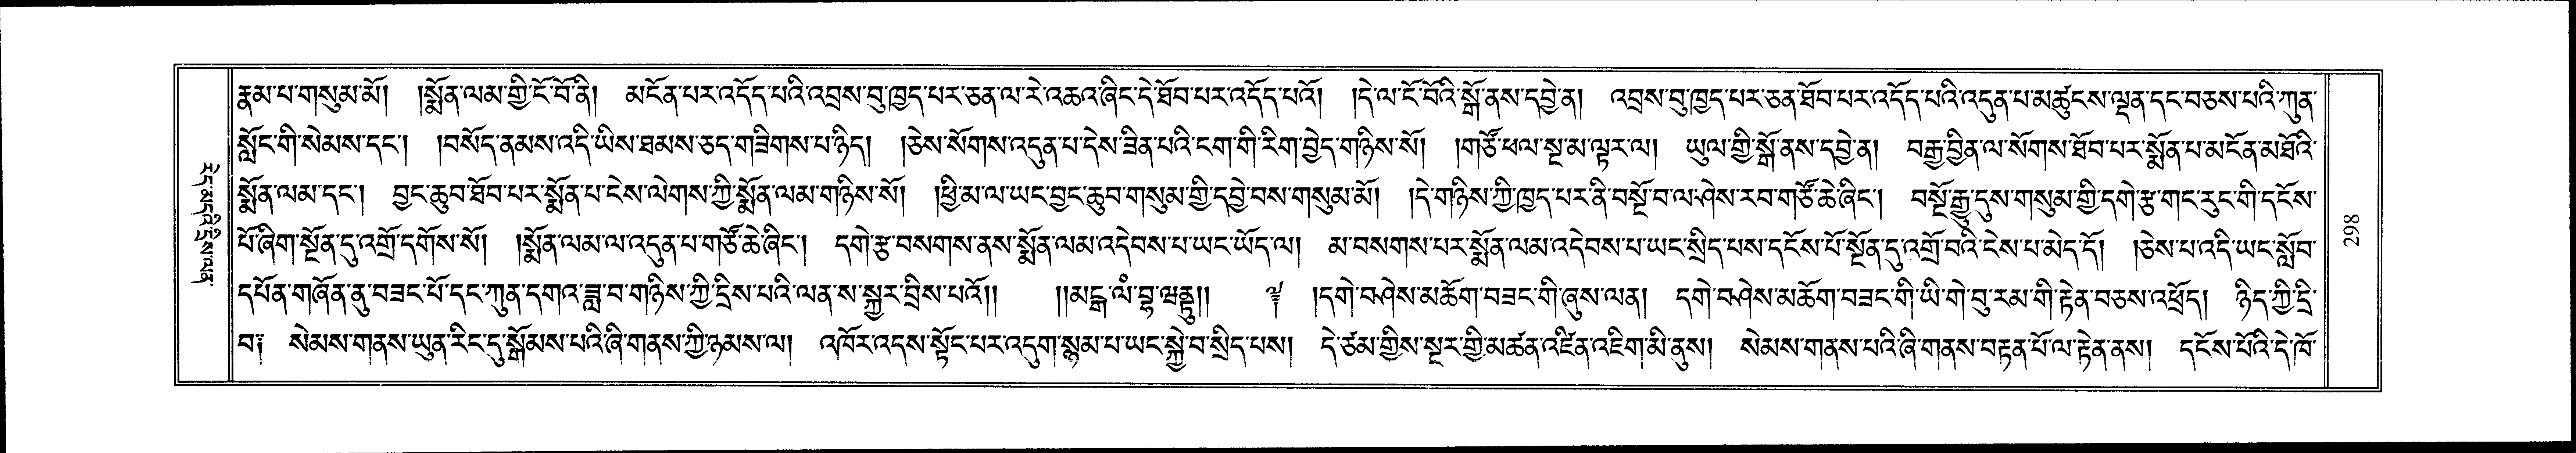རྣམ་པ་གསུམ་མོ། །སྨོན་ལམ་གྱི་ངོ་བོ་ནི། མངོན་པར་འདོད་པའི་འབྲས་བུ་ཁྱད་པར་ཅན་ལ་རེ་འཆའ་ཞིང་དེ་ཐོབ་པར་འདོད་པའོ། །དེ་ལ་ངོ་བོའི་སྒོ་ནས་དབྱེ་ན། འབྲས་བུ་ཁྱད་པར་ཅན་ཐོབ་པར་འདོད་པའི་འདུན་པ་མཚུངས་ལྡན་དང་བཅས་པའི་ཀུན་
སློང་གི་སེམས་དང་། །བསོད་ནམས་འདི་ཡིས་ཐམས་ཅད་གཟིགས་པ་ཉིད། །ཅེས་སོགས་འདུན་པ་དེས་ཟིན་པའི་ངག་གི་རིག་བྱེད་གཉིས་སོ། །གཙོ་ཕལ་སྔ་མ་ལྟར་ལ། ཡུལ་གྱི་སྒོ་ནས་དབྱེ་ན། བརྒྱ་བྱིན་ལ་སོགས་ཐོབ་པར་སྨོན་པ་མངོན་མཐོའི་
སྨོན་ལམ་དང་། བྱང་ཆུབ་ཐོབ་པར་སྨོན་པ་ངེས་ལེགས་ཀྱི་སྨོན་ལམ་གཉིས་སོ། །ཕྱི་མ་ལ་ཡང་བྱང་ཆུབ་གསུམ་གྱི་དབྱེ་བས་གསུམ་མོ། །དེ་གཉིས་ཀྱི་ཁྱད་པར་ནི་བསྔོ་བ་ལ་ཤེས་རབ་གཙོ་ཆེ་ཞིང་། བསྔོ་རྒྱུ་དུས་གསུམ་གྱི་དགེ་རྩ་གང་རུང་གི་དངོས་
པོ་ཞིག་སྔོན་དུ་འགྲོ་དགོས་སོ། །སྨོན་ལམ་ལ་འདུན་པ་གཙོ་ཆེ་ཞིང་། དགེ་རྩ་བསགས་ནས་སྨོན་ལམ་འདེབས་པ་ཡང་ཡོད་ལ། མ་བསགས་པར་སྨོན་ལམ་འདེབས་པ་ཡང་སྲིད་པས་དངོས་པོ་སྔོན་དུ་འགྲོ་བའི་ངེས་པ་མེད་དོ། །ཅེས་པ་འདི་ཡང་སློབ་
དཔོན་གཞོན་ནུ་བཟང་པོ་དང་ཀུན་དགའ་ཟླ་བ་གཉིས་ཀྱི་དྲིས་པའི་ལན་ས་སྐྱར་བྲིས་པའོ།། །།མངྒ་ལཾ་བྷ་ཝནྟུ།། ༈ །དགེ་བཤེས་མཆོག་བཟང་གི་ཞུས་ལན། དགེ་བཤེས་མཆོག་བཟང་གི་ཡི་གེ་བུ་རམ་གི་རྟེན་བཅས་འཕྲོད། ཉིད་ཀྱི་དྲི་
བ། སེམས་གནས་ཡུན་རིང་དུ་སྒོམས་པའི་ཞི་གནས་ཀྱི་ཉམས་ལ། འཁོར་འདས་སྟོང་པར་འདུག་སྙམ་པ་ཡང་སྐྱེ་བ་སྲིད་པས། དེ་ཙམ་གྱིས་སྔར་གྱི་མཚན་འཛིན་འཇིག་མི་ནུས། སེམས་གནས་པའི་ཞི་གནས་བརྟན་པོ་ལ་རྟེན་ནས། དངོས་པོའི་དེ་ཁོ་